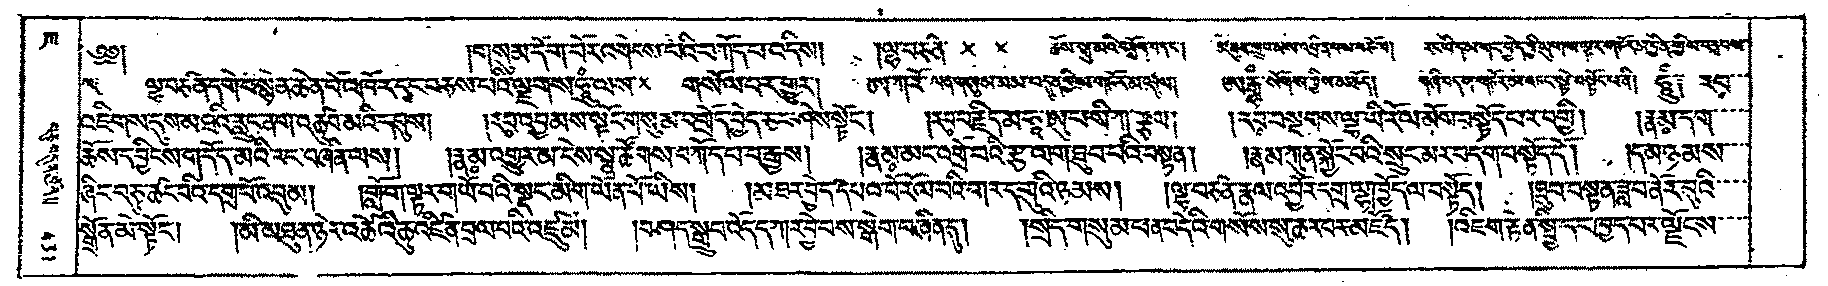༄༅། །གསུམ་དོག་པོར་འགེངས་པའི་བཀོད་པ་འདིས། །ལྷ་བཙན་྾་྾་ཆོས་སྐུ་མའི་བཟློག་པ་དང་། མཐུན་གྲུབ་མས་འཕྲིན་ལས་བཅོལ། རང་ཡི་དམ་གང་བྱེད་ཀྱི་ལུགས་ལྟར་གཏོར་མ་བྱིན་གྱིས་བརླབས་ལ།  ལྷ་བཙན་དགེ་བསྙེན་ཆེན་པོ་འཁོར་དང་བཅས་པའི་ལྗགས་ཧཱུཾ་ལས་྾་གསོལ་བར་གྱུར། ཨ་ཀ་རོ་ལན་གསུམ་མམ་བདུན་གྱིས་གཏོར་མ་འབུལ།  ཨརྒྷཾ་སོགས་ཀྱིས་མཆོད། གཞི་བདག་གཏོར་མ་བཏང་སྟེ་བསྟོང་པ་ནི།  ཧཱུཾ། རབ་
འཇིགས་དུས་མཐའི་རླུང་ནག་འཚུབ་མའི་དབུས། །རབ྾་འབྱམས་སྟོང་གསུམ་འགྲོད་བྱེད་ཅང་ཤེས་སྟོང་། །རབ྾་བརྗིད་མཧཱ་ཨུ་པ་སི་ཀ་རྩལ། །རབ྾་བསྔགས་ལྷ་ཡི་རོལ་མོས་བསྟོད་པར་བགྱི། །རྣམ྾་དག་
ཆོས་དབྱིངས་གདོད་མའི་རང་བཞིན་ལས། །རྣམ྾་འགྱུར་མ་ངེས་སྣ་ཚོགས་བཀོད་པ་བརྒྱས། །རྣམ྾་མང་འགྲོ་བའི་རྩ་ལག་ཐུབ་པའི་བསྟན། །རྣམ་ཀུན་སྐྱོང་བའི་སྲུང་མར་བདག་བསྟོད་དོ། །དམ་ཉམས་
ཞིང་བཅུ་ཚང་བའི་དགྲ་བོ་འབུམ། །གློག་ལྟར་གཡོ་བའི་སྡང་མིག་ཡོན་པོ་ཡིས། །མཐར་བྱེད་དཔའ་བོ་རོལ་བའི་གར་དགུའི་ཉམས། །ལྷ་བཙན་རྣལ་འབྱོར་དགྲ་ལྷ་ཁྱོད་ལ་བསྟོད། །ཐུབ་བསྟན་ཟླ་བ་ནོར་བུའི་
སྒྲོན་མེ་སྟོང་། །མི་མཐུན་ཉེར་འཚེའི་ཆུ་འཛིན་བྲལ་བའི་འཛུམ། །བཤད་སྒྲུབ་འོད་དཀར་བྱེ་བས་སྒེག་བཞིན་དུ། །སྲིད་གསུམ་ཕན་བདེའི་གསོས་སུ་ཆར་བར་མཛོད། །འཇིག་རྟེན་སྤྱི་དང་ཁྱད་པར་ལྗོངས་